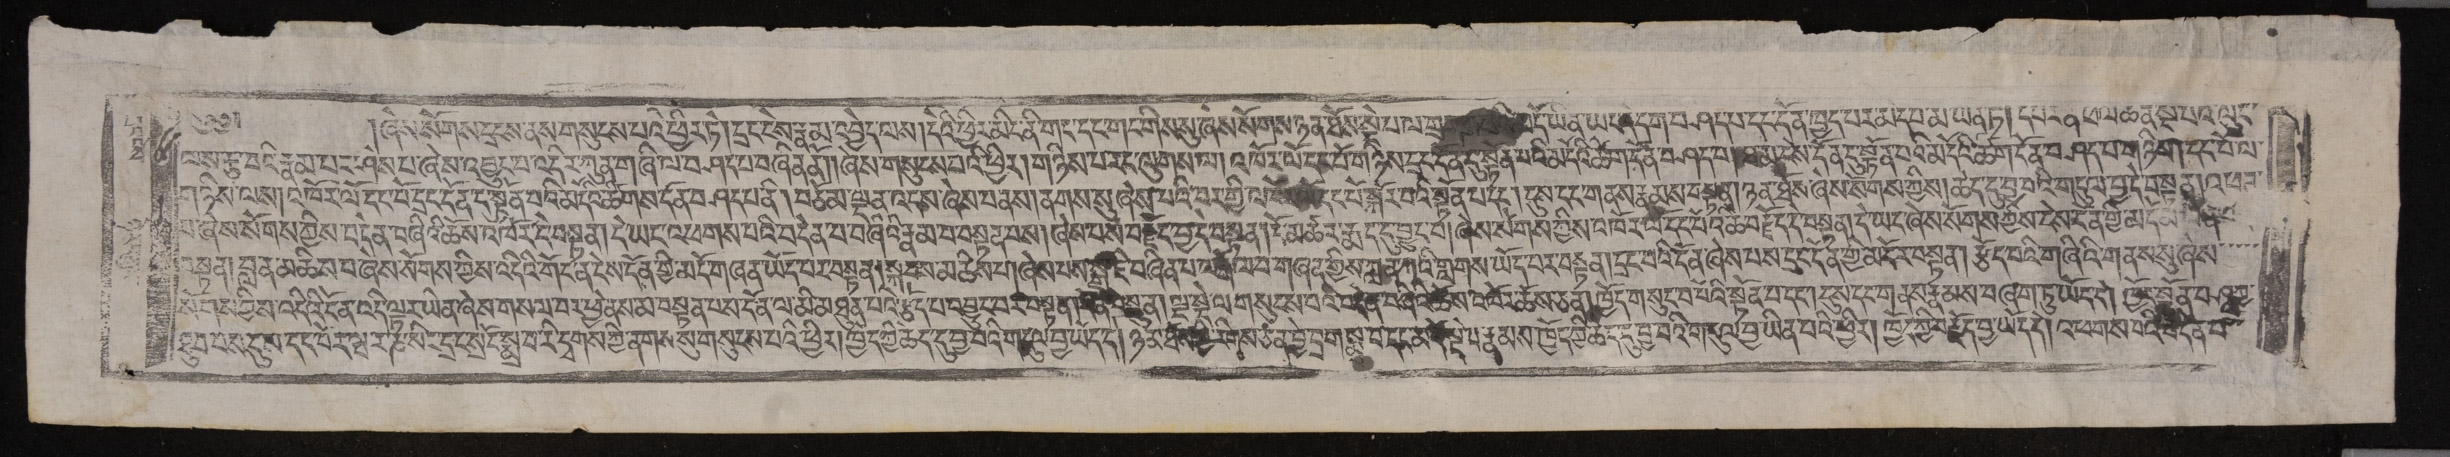༄༅། །ཞེས་སོགས་དྲངས་ནས་གསུངས་པའི་ཕྱིར་ཏེ། དྲང་ངེས་རྣམ་འབྱེད་ལས། དེའི་ཕྱིར་མིང་ནི་གང་དང་གང་གིས་སུ་ཞེས་སོགས་ཉན་ཐོས་སྡེ་པ་ལ་གྲགས་པའི་མདོ་ཡིན་ཡང་དེ་དག་བཤད་པ་དང་དོན་ཁྱད་པར་མེད་པ་མ་ཡིན་ཏེ། དཔེར་ན་ཕལ་ཆེན་སྡེ་པའི་ལུང་
ལས་རྩ་བའི་རྣམ་པར་ཤེས་པ་ཞེས་འབྱུང་བ་འདིར་ཀུན་གཞི་ལ་བཤད་པ་བཞིན་ནོ། །ཞེས་གསུངས་པའི་ཕྱིར། གཉིས་པ་རང་ལུགས་ལ། འཁོར་ལོ་དང་པོ་གཉིས་དྲང་དོན་དུ་སྟོན་པའི་མདོའི་ཚིག་དོན་བཤད་པ། ཐ་མ་ངེས་དོན་དུ་སྟོན་པའི་མདོའི་ཚིག་དོན་བཤད་པ་གཉིས། དང་པོ་ལ་
གཉིས་ལས། འཁོར་ལོ་དང་པོ་དྲང་དོན་དུ་སྟོན་པའི་མདོའི་ཚིགས་དོན་བཤད་པ་ནི། བཅོམ་ལྡན་འདས་ཞེས་པ་ནས། ནགས་སུ་ཞེས་པའི་བར་གྱི་འཁོར་ལོ་དང་པོ་སྐོར་བའི་སྟོན་པ་དང་། དུས་དང་གནས་རྣམས་བསྟན། ཉན་ཐོས་ཞེས་སོགས་ཀྱིས། ཆེད་དུ་བྱ་བའི་གདུལ་བྱ་དེ་བསྟན། འཕགས་
པ་ཞེས་སོགས་ཀྱིས་བདེན་བཞིའི་ཆོས་འཁོར་དེ་བསྟན། དེ་ཡང་འཕགས་པའི་བདེན་པ་བཞིའི་རྣམ་པ་བསྟན་པས། ཞེས་པས་བརྗོད་བྱ་དེ་བསྟན། ངོ་མཚར་རྨད་དུ་བྱུང་བ། ཞེས་སོགས་ཀྱིས་འཁོར་ལོ་དང་པོའི་ཆ་བརྗོད་དེ་བསྟན། དེ་ཡང་ཞེས་སོགས་ཀྱིས་ངེས་དོན་གྱི་མདོ་མ་ཡིན་པར་
བསྟན། བླ་ན་མཆིས་པ་ཞེས་སོགས་ཀྱིས་འདིའི་གོང་ན་ངེས་དོན་གྱི་མདོ་གཞན་ཡོད་པར་བསྟན། སྐབས་མཆིས་པ། ཞེས་པས་སྒྲ་ཇི་བཞིན་པ་ལ་རྒོལ་བ་གཞན་གྱིས་ཀླན་ཀའི་གླགས་ཡོད་པར་བསྟན། དྲང་བའི་དོན་ཞེས་པས་དྲང་དོན་གྱི་མདོར་བསྟན། རྩོད་པའི་གཞིའི་གནས་སུ་ཞེས་
སོགས་ཀྱིས་འདིའི་དོན་འདི་ལྟར་ཡིན་ཞེས་གསལ་བར་ཕྱེ་ནས་མ་བསྟན་པས་དོན་ལ་མི་མཐུན་པའི་རྩོད་པ་འབྱུང་བར་བསྟན། དོན་བསྡུ་ན། ལྔ་སྡེ་ལ་གསུངས་པའི་བདེན་བཞིའི་ཆོས་འཁོར་ཆོས་ཅན། ཁྱོད་གསུང་བ་པོའི་སྟོན་པ་དང་། དུས་དང་གནས་རྣམས་བཞག་ཏུ་ཡོད་དེ། ཁྱོད་སྟོན་པ་ཤཱཀྱ་
ཐུབ་པས་དུས་དང་པོར་ཝ་ར་ཎ་སིར་དྲང་སྲོང་སྨྲ་བ་རི་དྭགས་ཀྱི་ནགས་སུ་གསུངས་པའི་ཕྱིར། ཁྱོད་ཀྱི་ཆེད་དུ་བྱ་བའི་གདུལ་བྱ་ཡོད་དེ། ཉན་ཐོས་ཀྱི་རིགས་ཅན་བྱེ་བྲག་སྨྲ་བ་དང་མདོ་སྡེ་པ་རྣམས་ཁྱོད་ཀྱི་ཆེད་དུ་བྱ་བའི་གདུལ་བྱ་ཡིན་པའི་ཕྱིར། ཁྱོད་ཀྱི་བརྗོད་བྱ་ཡོད་དེ། འཕགས་པའི་བདེན་པ་